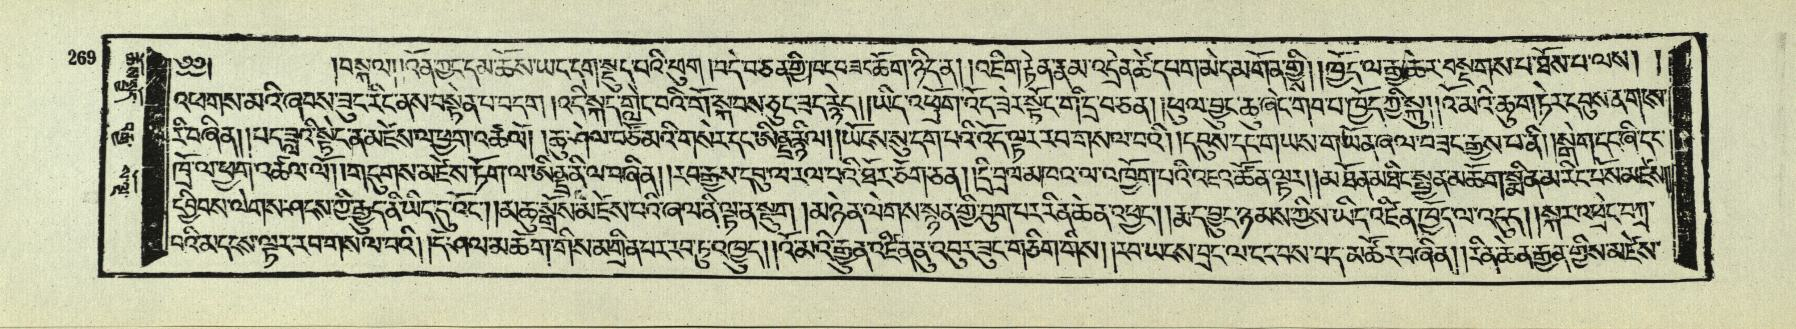༄༅། །བསྐལ། །འོན་ཀྱང་དམ་ཆོས་ཡང་དག་སྡུད་པའི་ཕུག །བདེ་བ་ཅན་གྱི་ཁང་བཟང་ཆོག་ཉིད་ན། །འཇིག་རྟེན་རྣམ་འདྲེན་ཚེ་དཔག་མེད་མགོན་གྱིས། །ཁྱོད་ལ་རྒྱ་ཆེར་བསྔགས་པ་ཐོས་པ་ལས། །
འཕགས་མའི་ཞབས་ཟུང་རིང་ནས་བསྟེན་པ་བདག །འདི་སྐད་གླེང་བའི་གོ་སྐབས་ཅུང་ཟད་རྙེད། །ཡིད་འཕྲོག་འོད་ཟེར་སྟོང་གི་དྲ་བ་ཅན། །ཕུལ་བྱུང་ཆུ་ཞེང་གབ་པ་ཁྱོད་ཀྱི་སྐུ། །འོ་མའི་ཆུ་གཏེར་དབུས་ན་གངས་
རི་བཞིན། །པད་ཟླའི་སྟེང་ན་མཛེས་ལ་ཕྱག་འཚ་ལོ། །ཆུ་ཤེལ་བཙོ་མའི་གསེར་དང་ཨིནྡྲ་རྙིལ། །ཡོངས་སུ་དག་པའི་འོད་ལྟར་རབ་གསལ་བའི། །དབུས་དང་གཡས་གཡོན་ཞལ་བཟང་རྒྱས་པ་ནི། །སྒེག་དང་ཞི་དང་
ཁྲོ་ལ་ཕྱག་འཚལ་ལོ། །གདུགས་མཛེས་ཏོག་ལ་ཨིནྡྲ་ནི་ལ་བཞིན། །རབ་རྒྱས་དབུ་ལ་རལ་པའི་ཐོར་ཅོག་ཅན། །དྲི་བྲལ་མཁའ་ལ་འཁྱོག་པའི་འཇའ་ཚོན་ལྟར། །མཐོན་མཐིང་སྤྱན་མཆོག་སྨིན་མ་རིང་པོས་མཛེས།།
དབྱིབས་ལེགས་ཤངས་ཀྱི་རྒྱུད་ནི་ཡིད་དུ་འོང་། །མཆུ་སྒྲོས་མཛེས་པའི་ཞལ་ནི་ལྟ་ན་སྡུག །མཉེན་ལེགས་སྙན་གྱི་བུག་པར་རིན་ཆེན་འཕྱང་། །རྨད་བྱུང་ཉམས་ཀྱིས་ཡིད་འཛིན་ཁྱོད་ལ་འདུད། །སྐར་འཕྲེང་བཀྲ་
བའི་མདངས་ལྟར་རབ་གསལ་བའི། །དོ་ཤལ་མཆོག་གིས་མགྲིན་པར་རབ་ཏུ་འཁྱུད། །འོ་མའི་རྒྱུན་འཛིན་ནུ་འབུར་ཟུང་གཅིག་གིས། །རབ་ཡངས་བྲང་ལ་ངང་བས་པད་མཚོར་བཞིན། །རིན་ཆེན་རྒྱན་གྱིས་མཛེས་